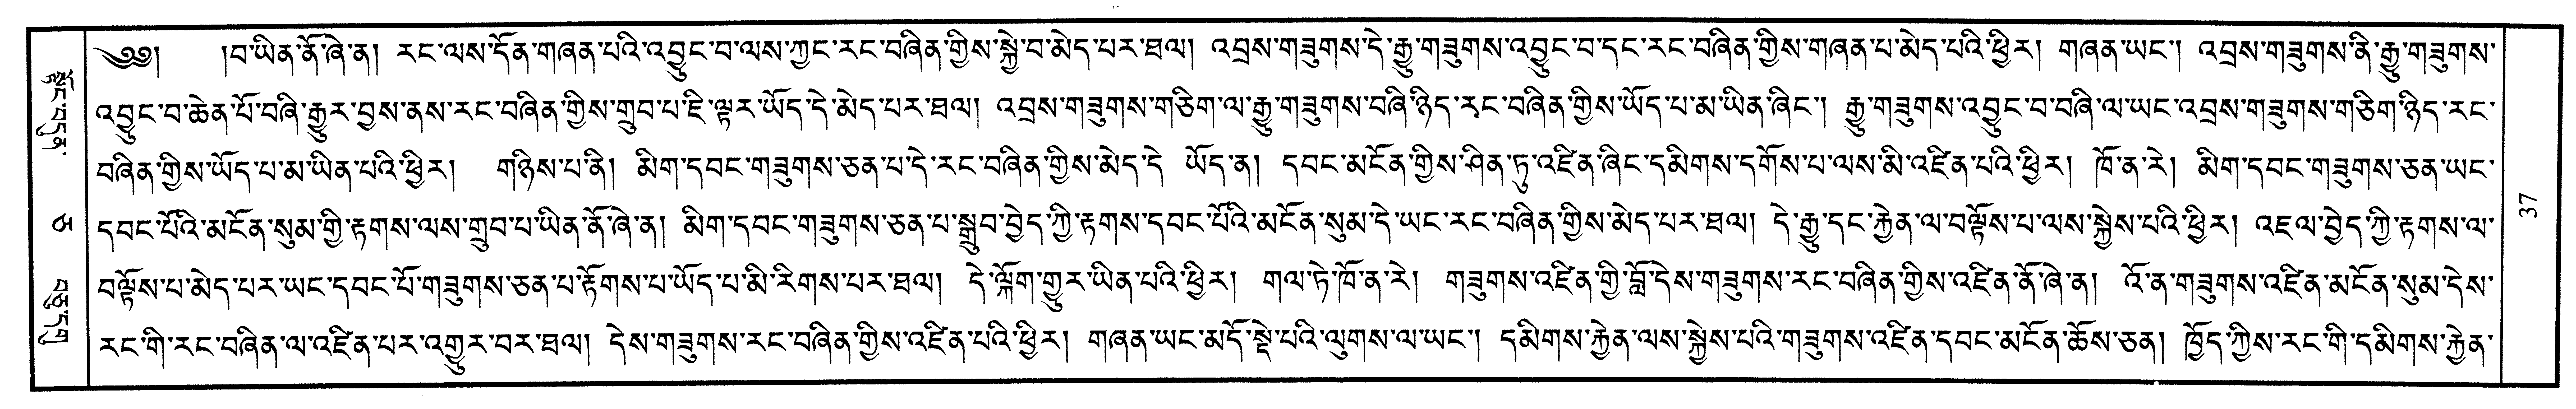༄༅། །བ་ཡིན་ནོ་ཞེ་ན། རང་ལས་དོན་གཞན་པའི་འབྱུང་བ་ལས་ཀྱང་རང་བཞིན་གྱིས་སྐྱེ་བ་མེད་པར་ཐལ། འབྲས་གཟུགས་དེ་རྒྱུ་གཟུགས་འབྱུང་བ་དང་རང་བཞིན་གྱིས་གཞན་པ་མེད་པའི་ཕྱིར། གཞན་ཡང་། འབྲས་གཟུགས་ནི་རྒྱུ་གཟུགས་
འབྱུང་བ་ཆེན་པོ་བཞི་རྒྱུར་བྱས་ནས་རང་བཞིན་གྱིས་གྲུབ་པ་ཇི་ལྟར་ཡོད་དེ་མེད་པར་ཐལ། འབྲས་གཟུགས་གཅིག་ལ་རྒྱུ་གཟུགས་བཞི་ཉིད་རང་བཞིན་གྱིས་ཡོད་པ་མ་ཡིན་ཞིང་། རྒྱུ་གཟུགས་འབྱུང་བ་བཞི་ལ་ཡང་འབྲས་གཟུགས་གཅིག་ཉིད་རང་
བཞིན་གྱིས་ཡོད་པ་མ་ཡིན་པའི་ཕྱིར། གཉིས་པ་ནི། མིག་དབང་གཟུགས་ཅན་པ་དེ་རང་བཞིན་གྱིས་མེད་དེ་ཡོད་ན། དབང་མངོན་གྱིས་ཤིན་ཏུ་འཛིན་ཞིང་དམིགས་དགོས་པ་ལས་མི་འཛིན་པའི་ཕྱིར། ཁོ་ན་རེ། མིག་དབང་གཟུགས་ཅན་ཡང་
དབང་པོའི་མངོན་སུམ་གྱི་རྟགས་ལས་གྲུབ་པ་ཡིན་ནོ་ཞེ་ན། མིག་དབང་གཟུགས་ཅན་པ་སྒྲུབ་བྱེད་ཀྱི་རྟགས་དབང་པོའི་མངོན་སུམ་དེ་ཡང་རང་བཞིན་གྱིས་མེད་པར་ཐལ། དེ་རྒྱུ་དང་རྐྱེན་ལ་བལྟོས་པ་ལས་སྐྱེས་པའི་ཕྱིར། འཇལ་བྱེད་ཀྱི་རྟགས་ལ་
བལྟོས་པ་མེད་པར་ཡང་དབང་པོ་གཟུགས་ཅན་པ་རྟོགས་པ་ཡོད་པ་མི་རིགས་པར་ཐལ། དེ་ལྐོག་གྱུར་ཡིན་པའི་ཕྱིར། གལ་ཏེ་ཁོ་ན་རེ། གཟུགས་འཛིན་གྱི་བློ་དེས་གཟུགས་རང་བཞིན་གྱིས་འཛིན་ནོ་ཞེ་ན། འོ་ན་གཟུགས་འཛིན་མངོན་སུམ་དེས་
རང་གི་རང་བཞིན་ལ་འཛིན་པར་འགྱུར་བར་ཐལ། དེས་གཟུགས་རང་བཞིན་གྱིས་འཛིན་པའི་ཕྱིར། གཞན་ཡང་མདོ་སྡེ་པའི་ལུགས་ལ་ཡང་། དམིགས་རྐྱེན་ལས་སྐྱེས་པའི་གཟུགས་འཛིན་དབང་མངོན་ཆོས་ཅན། ཁྱོད་ཀྱིས་རང་གི་དམིགས་རྐྱེན་